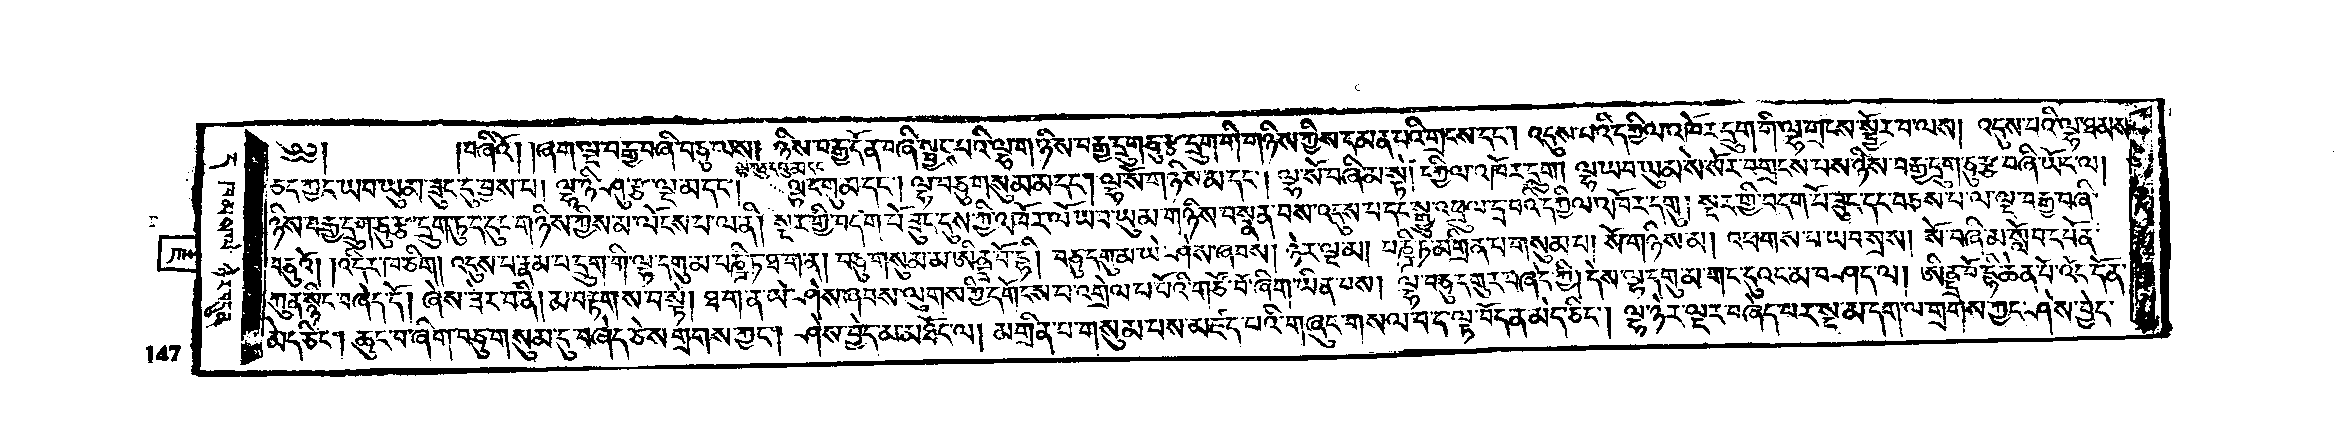༄༅། །བཞིའོ། །ཞག་ལྔ་བརྒྱ་བཞི་བཅུ་ལས། ཉིས་བརྒྱ་དོན་བཞི་སྦྱངས་པའི་ལྷ་གཉིས་བརྒྱ་དྲུག་ཅུ་རྩ་དྲུག་གི་གཉིས་ཀྱིས་དམན་པའི་གྲངས་དང་། འདུས་པའི་དཀྱིལ་འཁོར་དྲུག་གི་ལྷ་གྲངས་སྦྱོར་བ་ལས། འདུས་པའི་ལྷ་ཐམས་
ཅད་ཀྱང་ཡབ་ཡུམ་ཟུང་དུ་བྱས་པ། ལྷ་ཉི་ཤུ་རྩ་ལྔ་མ་དང་། ལྷ་བཅུ་དབུ་མ་དང་?་ལྷ་དགུ་མ་དང་། ལྷ་བཅུ་གསུམ་མ་དང་། ལྷ་སོ་གཉིས་མ་དང་། ལྷ་སོ་བཞི་མ་སྟེ། དཀྱིལ་འཁོར་དྲུག །ལྷ་ཡབ་ཡུམ་སོ་སོར་བགྲངས་པས་ཉིས་བརྒྱ་དྲུག་ཅུ་རྩ་བཞི་ཡོད་ལ།
ཉིས་བརྒྱ་དྲུག་ཅུ་རྩ་དྲུག་ཏུ་ད་དུང་གཉིས་ཀྱིས་མ་ལོངས་པ་ལ་ནི། སྔར་གྱི་བདག་པོ་ཟུང་དུས་ཀྱི་འཁོར་ལོ་ཡབ་ཡུམ་གཉིས་བསྣན་པས་འདུས་པ་དང་སྒྱུ་འཕྲུལ་དྲ་བའི་དཀྱིལ་འཁོར་དགུ །སྔར་གྱི་བདག་པོ་ཟུང་དང་བཅས་པ་ལ་ལྔ་བརྒྱ་བཞི་
བཅུའོ། །འདིར་ཁ་ཅིག །འདུས་པ་རྣམ་པ་དྲུག་གི་ལྷ་དགུ་མ་པཎྜི་ཏ་ཐ་ག་ན། བཅུ་གསུམ་མ་ཨིནྡྲ་བོ་དྷི། བཅུ་དགུ་མ་ཡེ་ཤེས་ཞབས། ཉེར་ལྔ་མ། པཎྜི་ཏ་མགྲིན་པ་གསུམ་པ། སོ་གཉིས་མ། འཕགས་པ་ཡབ་སྲས། སོ་བཞི་མ་སློབ་དཔོན་
ཀུན་སྙིང་བཞེད་དོ། ཞེས་ཟེར་བ་ནི། མ་བརྟགས་པ་སྟེ། ཐག་ན་ཡེ་ཤེས་ཞབས་ལུགས་ཀྱི་དགོངས་པ་འགྲེལ་པ་པོའི་གཙོ་བོ་ཞིག་ཡིན་པས། ལྷ་བཅུ་དགུར་བཞེད་ཀྱི། དེས་ལྷ་དགུ་མ་གང་དུའང་མ་བཤད་ལ། ཨིནྡྲ་བོ་དྷི་ཆེན་པོ་འོང་དོན་
མེད་ཅིང་། ཆུང་བ་ཞིག་བཅུ་གསུམ་དུ་བཞེད་ཅེས་གྲགས་ཀྱང་། ཤེས་བྱེད་མ་མཐོང་ལ། མགྲིན་པ་གསུམ་པས་མཛད་པའི་གཞུང་གསལ་བ་ད་ལྟ་བོད་ན་མེད་ཅིང་། ལྷ་ཉེར་ལྔར་བཞེད་པར་སྔ་མ་དག་ལ་གྲགས་ཀྱང་ཤེས་བྱེད་